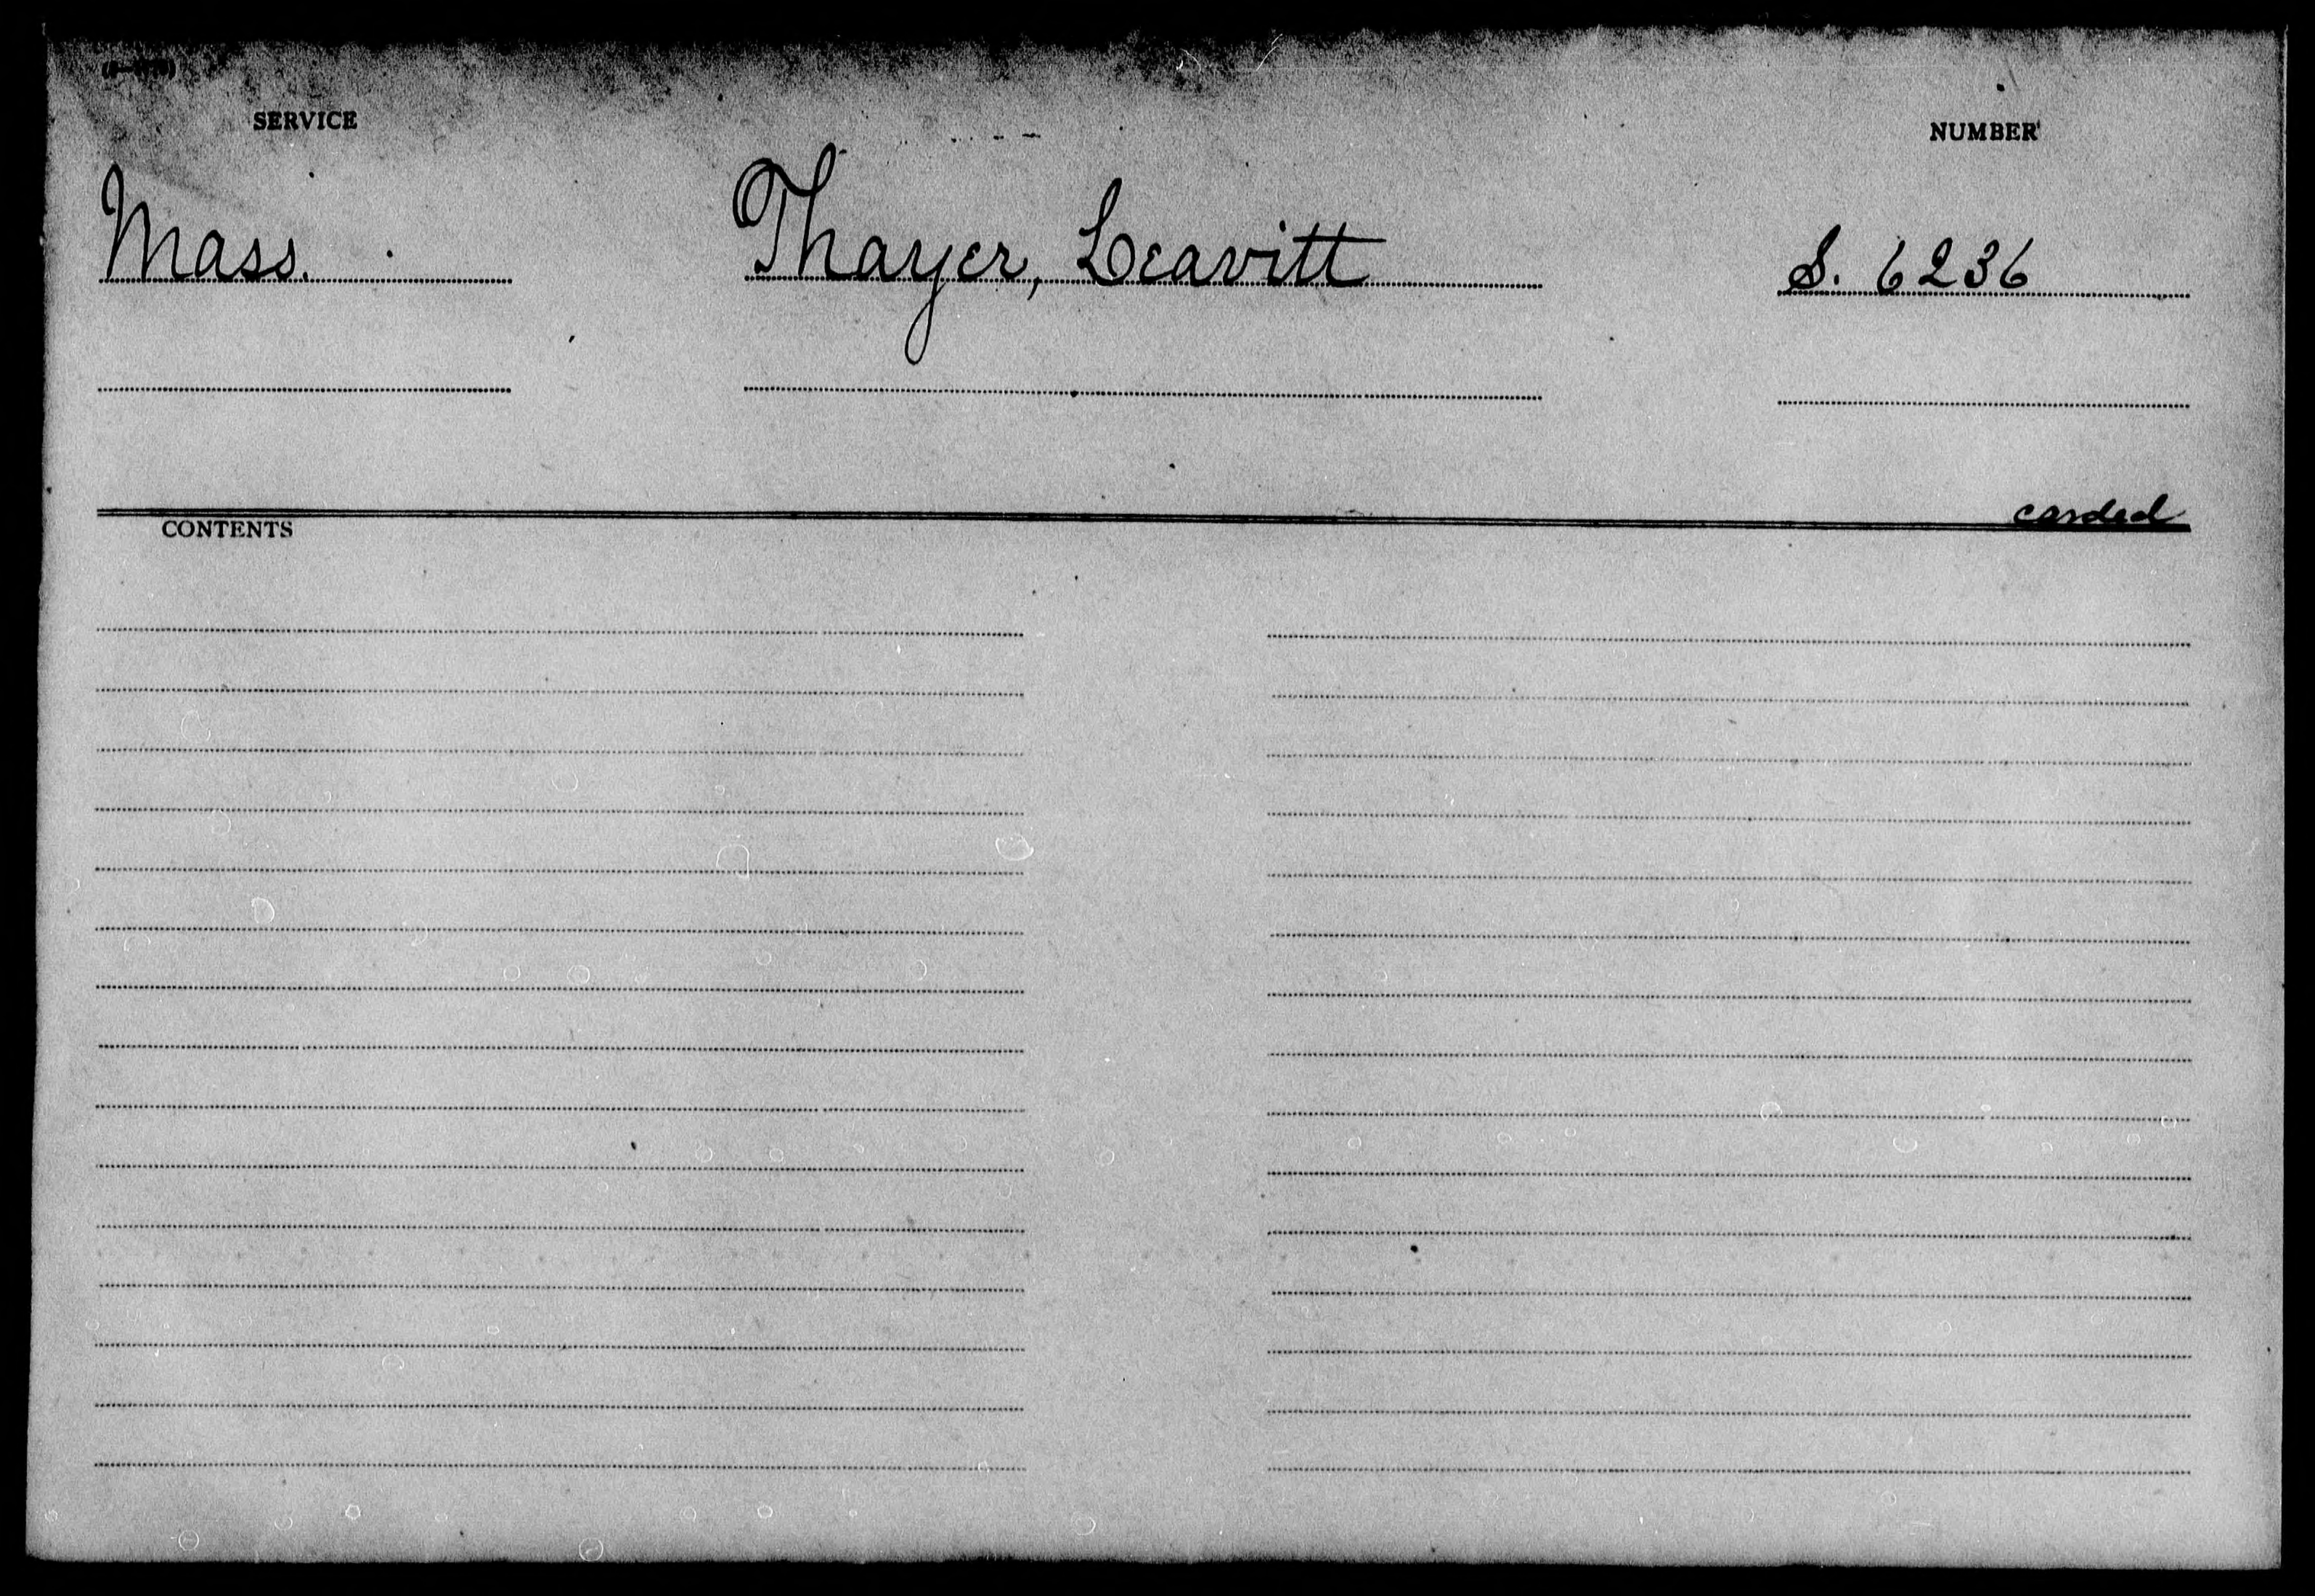SERVICE
Mass.

Thayer, Leavitt

NUMBER
S. 6236

carded

CONTENTS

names: [BLANK]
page: 1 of 23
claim: survivor's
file: S. 6236, for Leavitt Thayer, Massachusetts